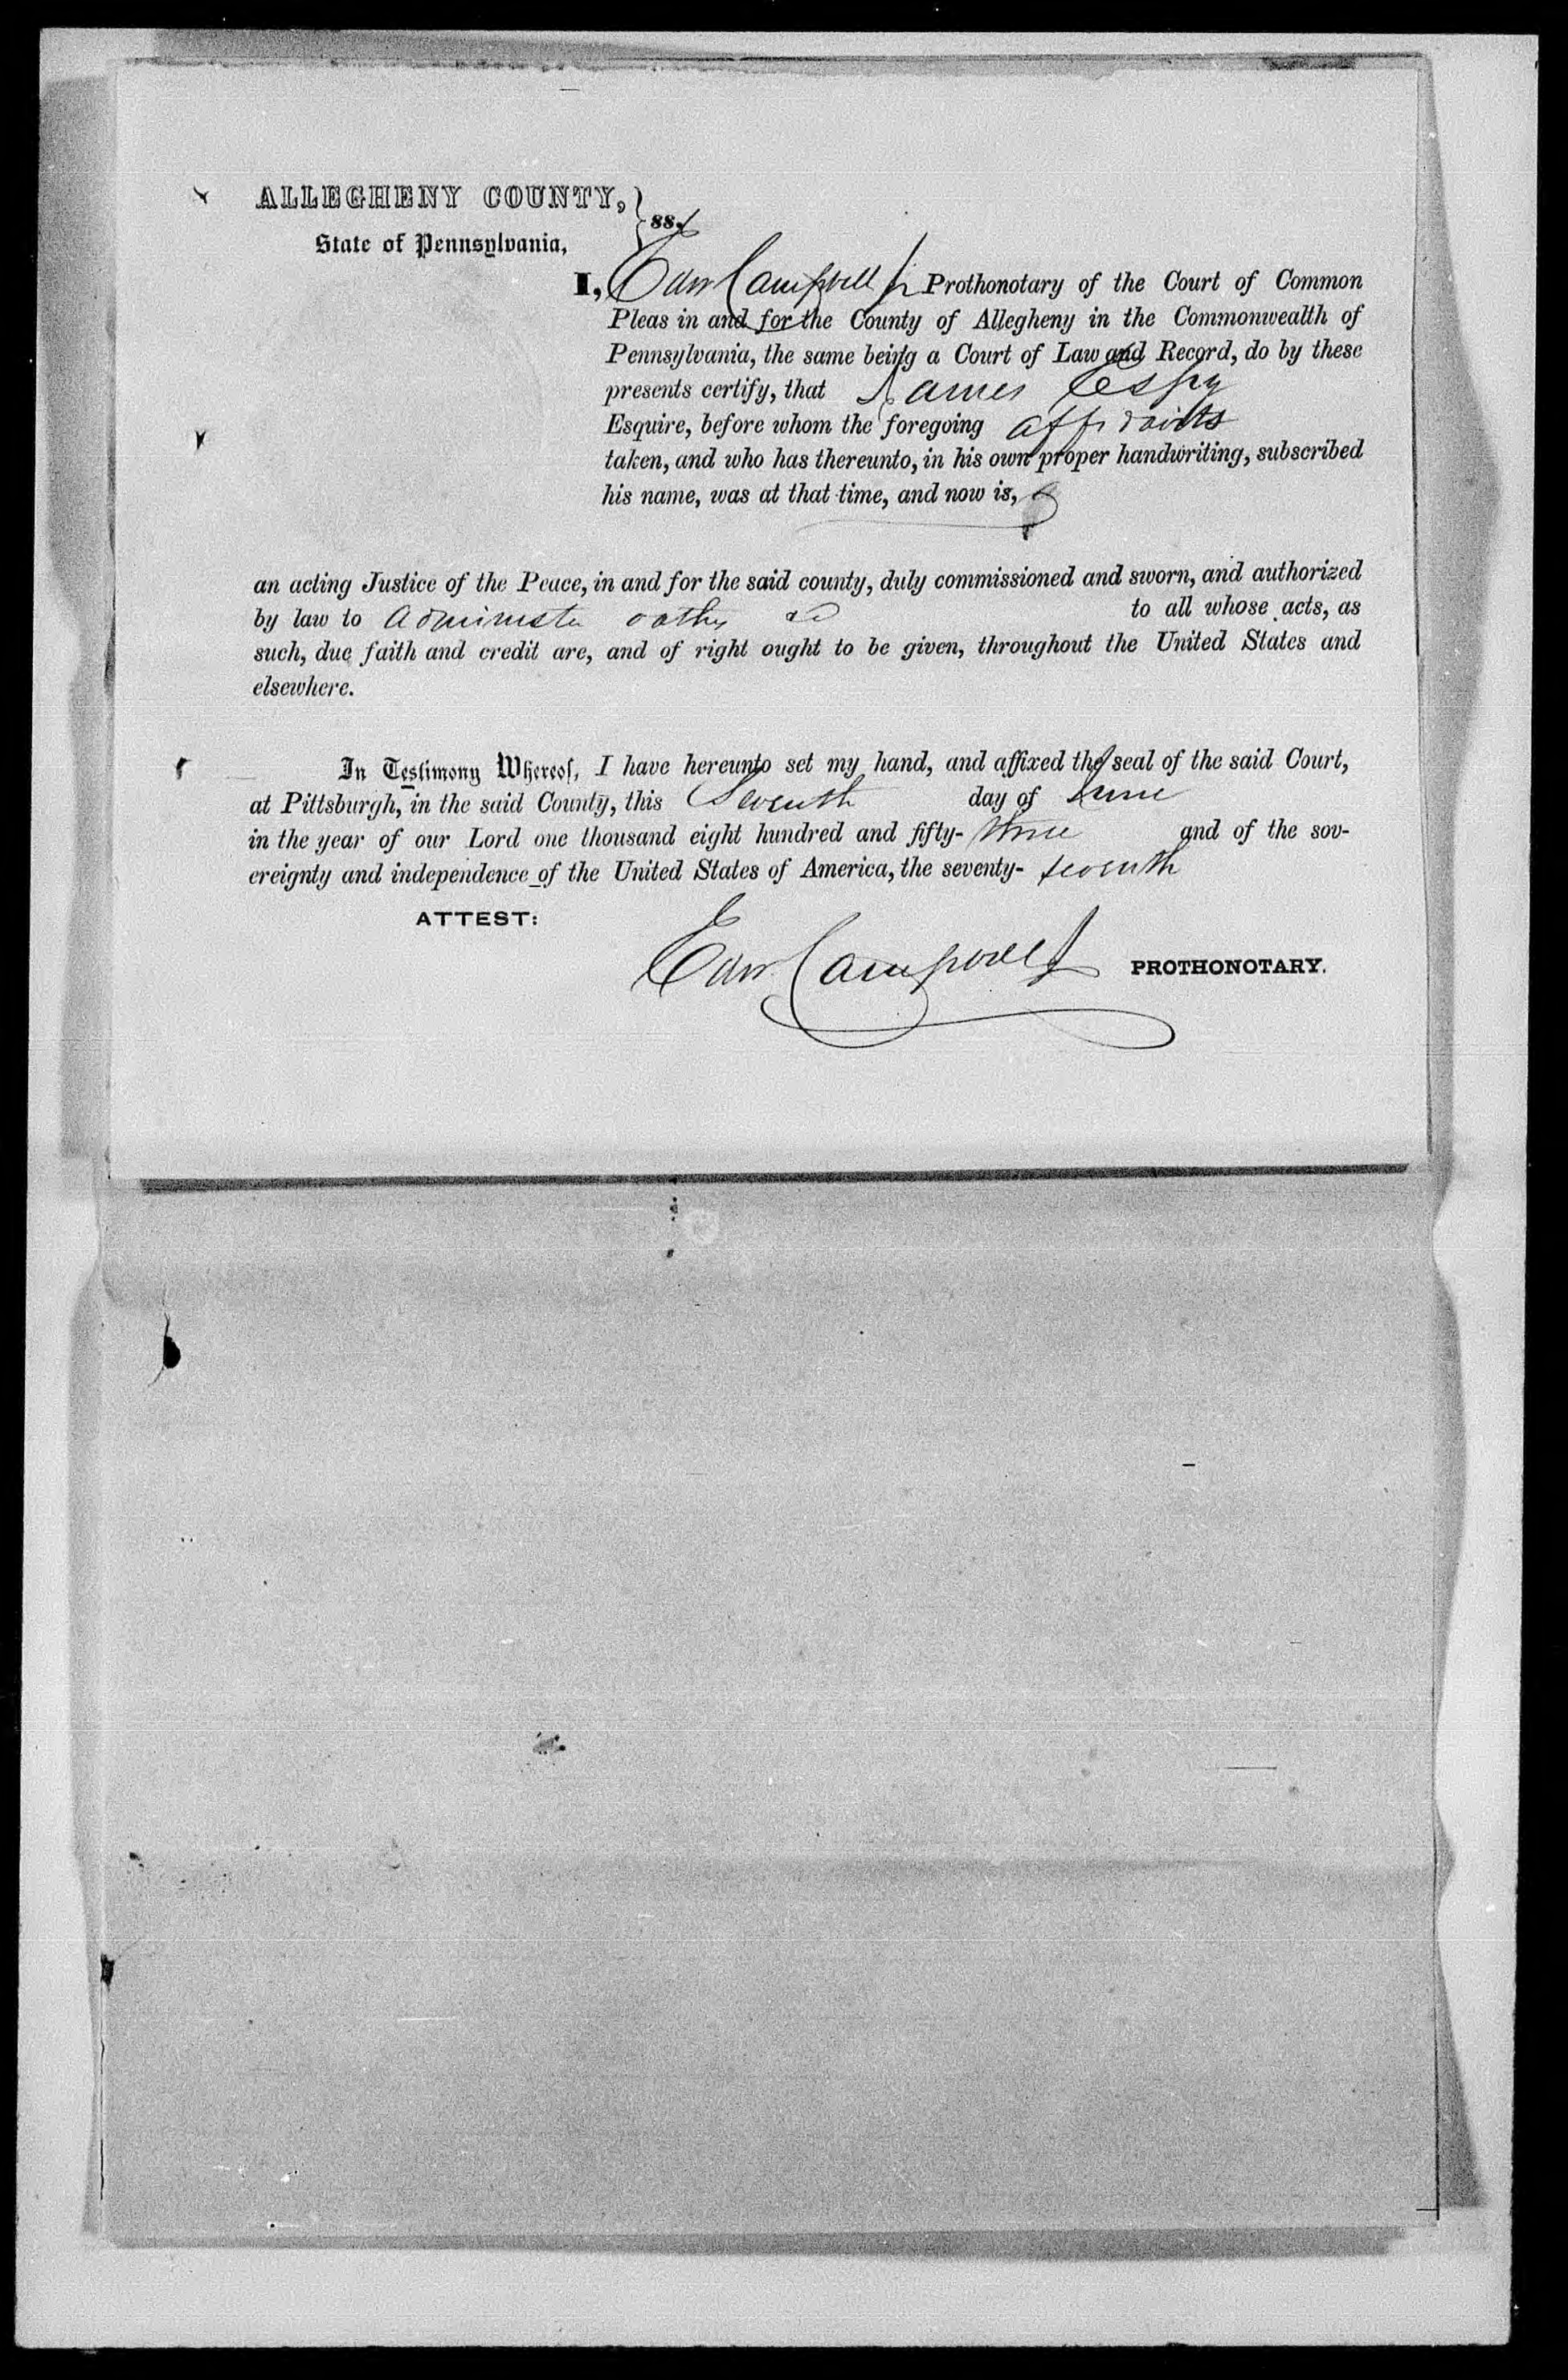ALLEGHENY COUNTY,}
State of Pennsylvania,} ss
I 
Carr Campbell Jr Prothonotary of the Court of Common Pleas in and for the County of Allegheny in the Commonwealth of
Pennsylvania, the same being a Court of Law and Record, do by these presents certify that James Lespry Esquire, before whom the foregoing affidavits taken and who has thereunto, in his own proper handwriting, subscribed his name, was at that time, and now is,
an acting Justic of the Peace, in and for the said county, duly commission and sworn, and authorized by law to administer oaths and
to all whose acts, as such due faith and credit are, and of right ought to be given throughout the United States and elsewhere.
ATTEST:
In Testimony Wereof, I have hereto set my hand, and are the seal of said Court
at Pittsburgh, in the said County, this Seventh
day of June in the year of our Lord one thousand eight hundred and fifty-three and of 
the sovereignty and independence of the United State of America, the seventy-seventh ATTEST:
Carr Campbell Jr PROMONOTARY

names: James Espy, Carr Campbell, Carr Campbell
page: 31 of 63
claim: widow's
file: W. 3228, John Daly, Penn.